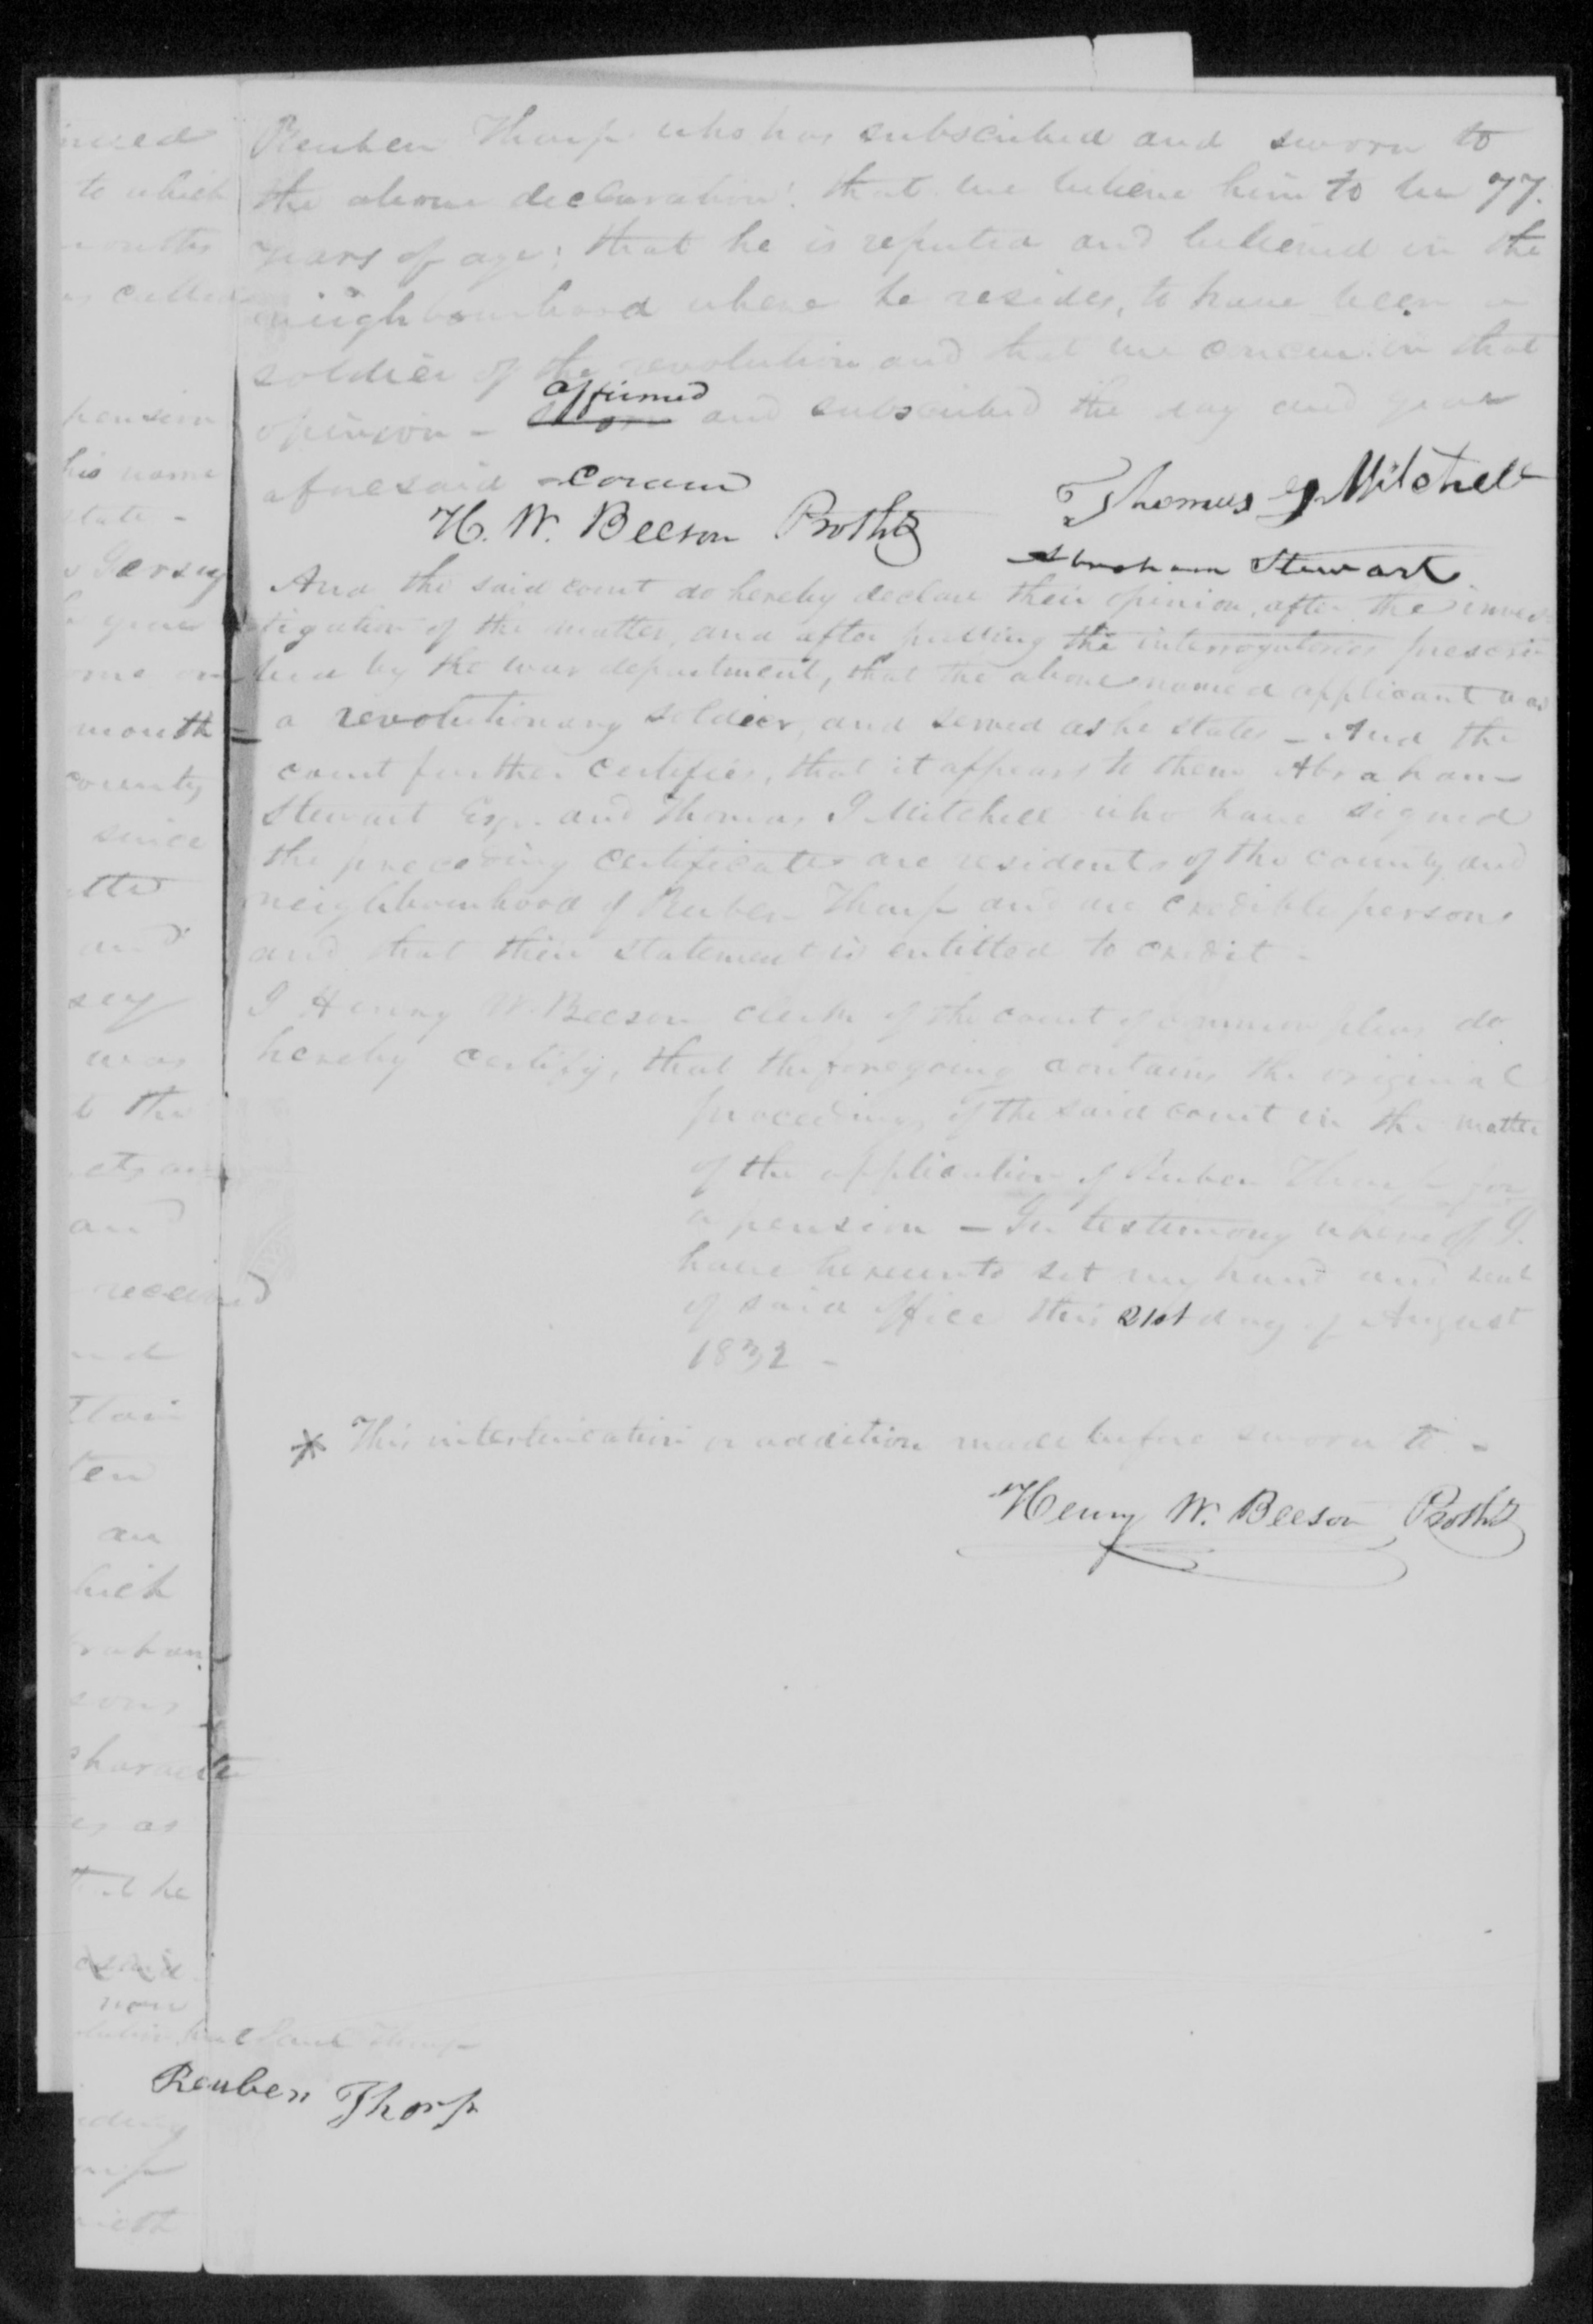Service
New Jersey

Thorp, Ruben
Or Thark

Number
S. 6229

Carded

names: H W Beeson; Abraham Stewart; Thomas G Mitchell; Abraham Stewart; Thomas G Mitchell; Reuben Tharp; Henry W Beeson; Reuben Thorp; Henry W Beeson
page: 8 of 28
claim: survivor's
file: S. 6229, for Reuben Thorp, New Jersey